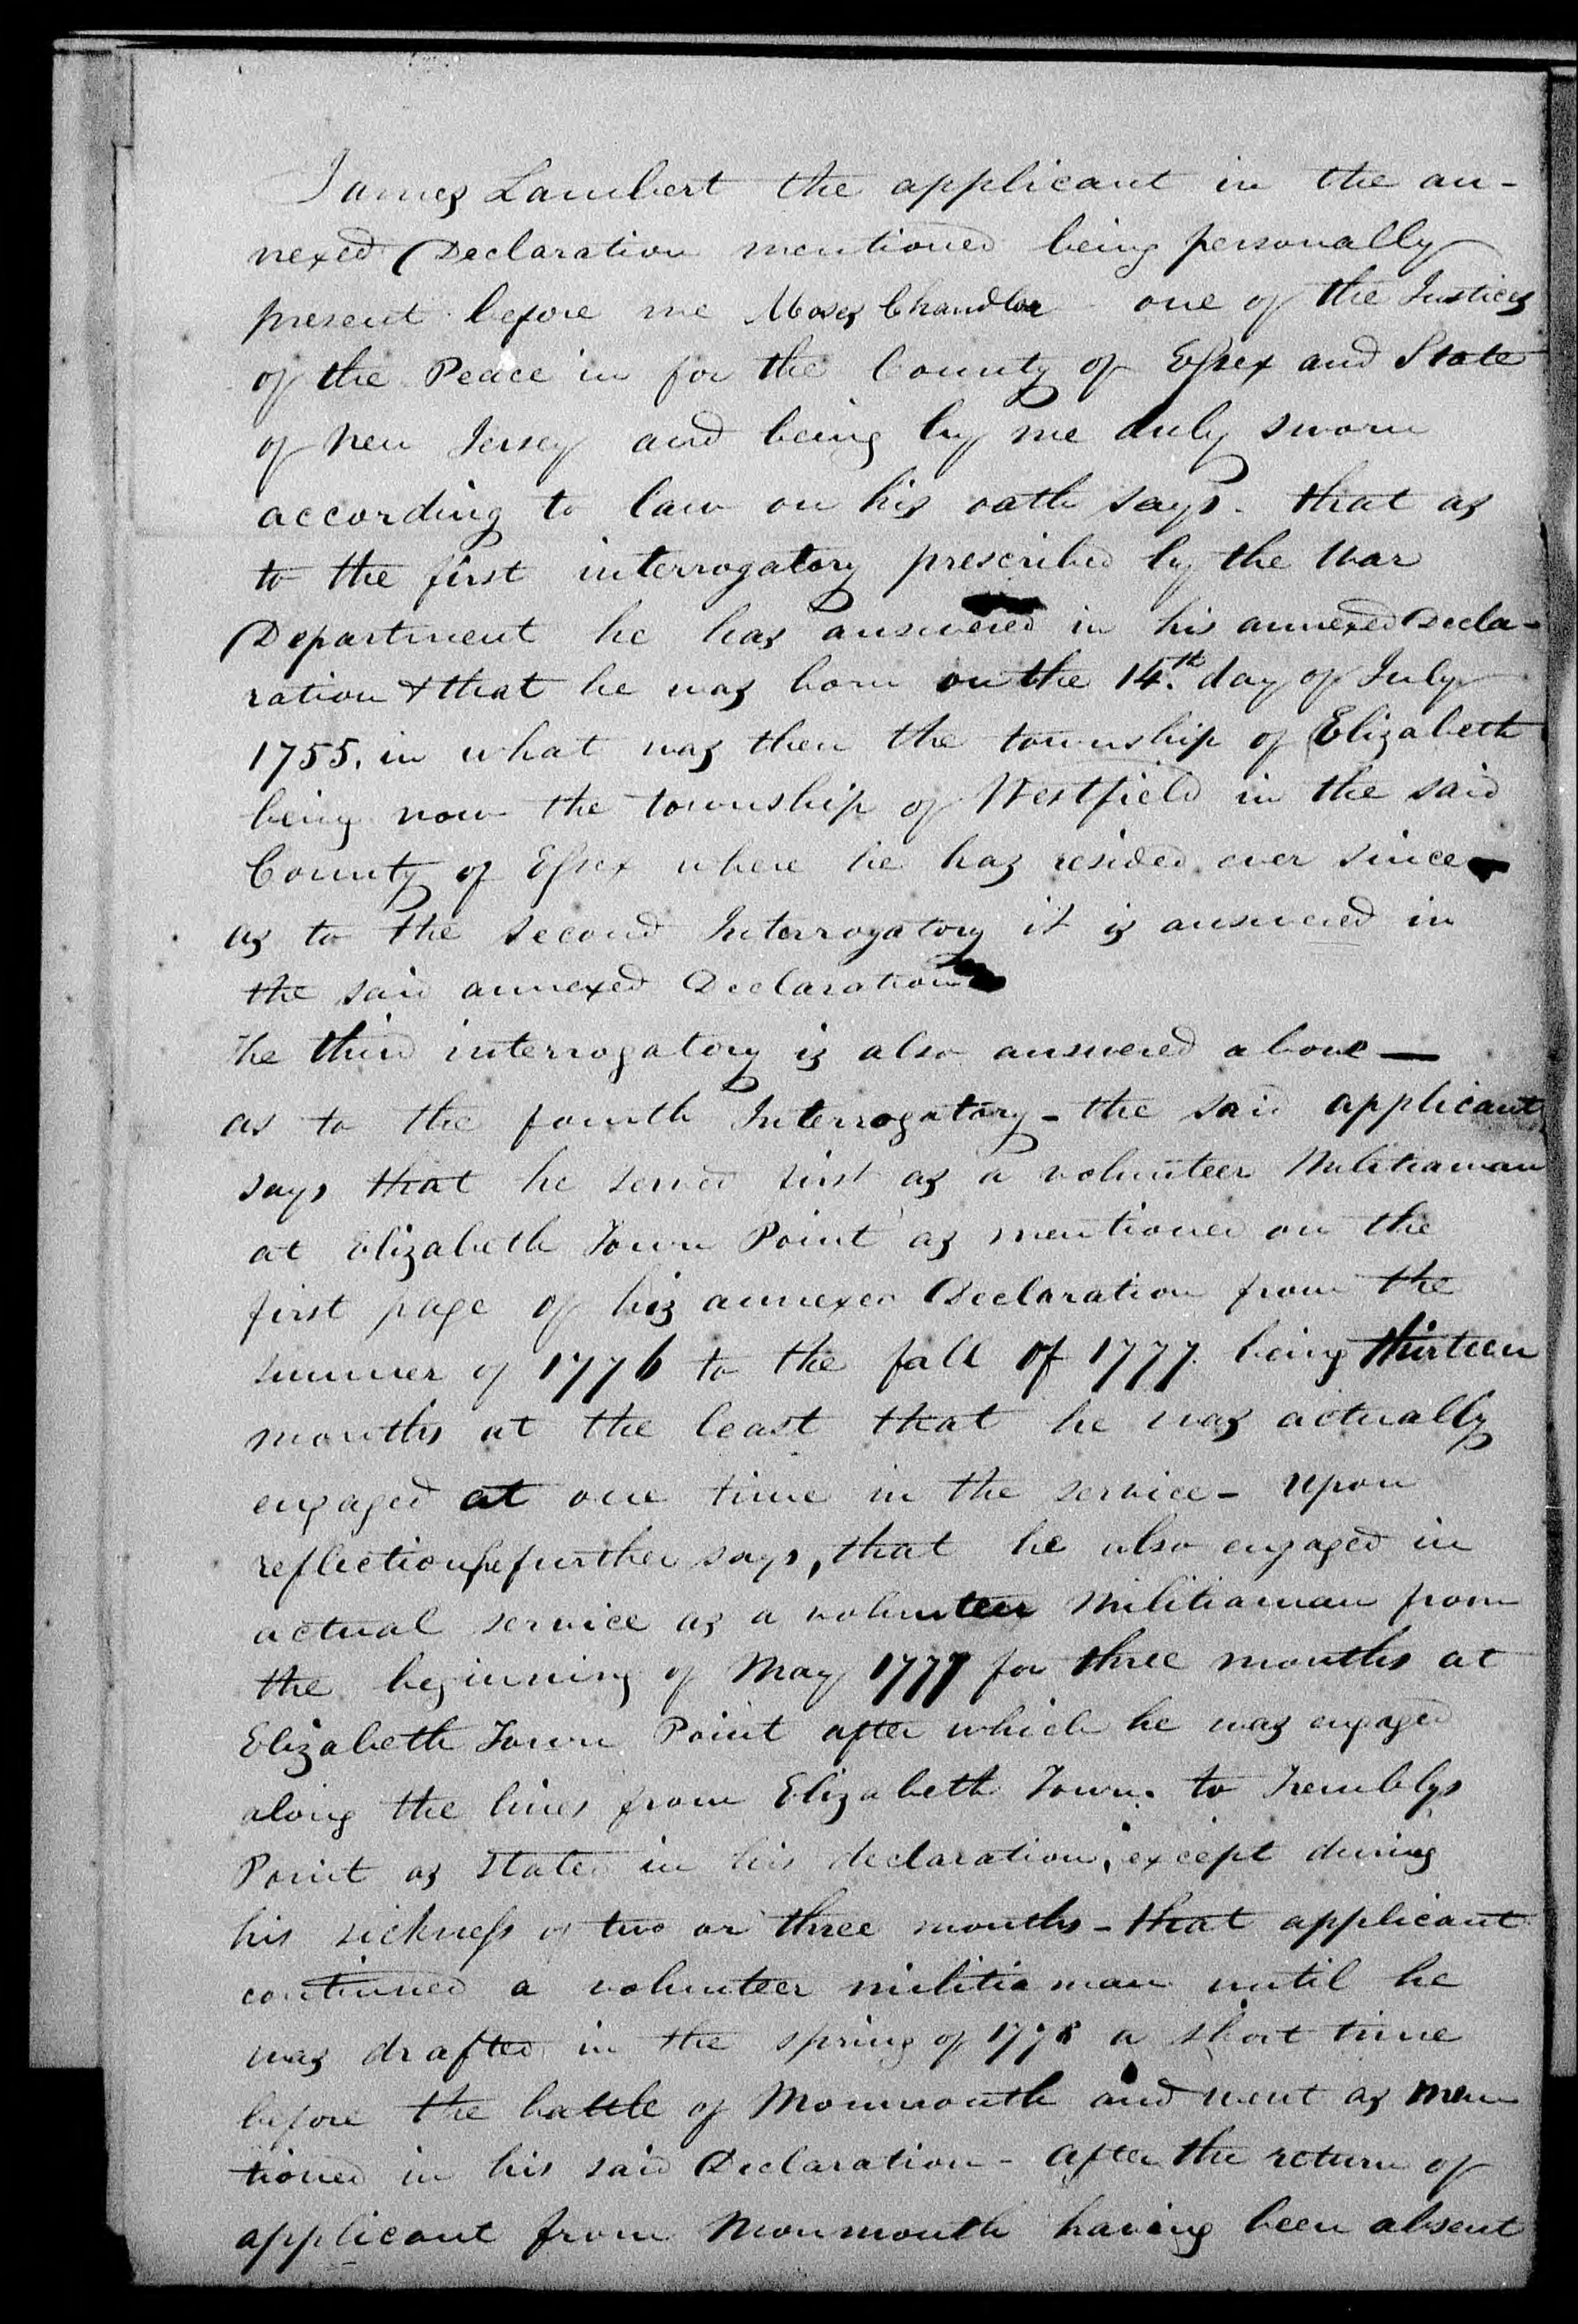James Lambert the applicant in the annexed declaration mentioned being personally
present before me Moses Chandler one of the Justices of the Peace in for the County of Essex and State  of New Jersey and being by me duly sworn according to law on his oath says that as
to the first interrogatory prescribed by the War
Department he has answered in his annexed Declaration & that he was born on the 14th day of July 1755 in what was then the township of Elizabeth being now the township of Westfield in the said County of Essex where he has resided ever since. As to the Second Interrogatory it is answered in the said annexed Declaration.
The third interrogatory is also answered above
as to the fourth Interrogatory the said applicant says that he served first as a volunteer Militiaman at Elizabeth Town point as mentioned on the first page of his annexed declaration from the summer of 1776 to the fall of 1777 being thirteen months at the least that he was actually engaged at one time in the service - Upon reflection further says, that he also engaged in actual service as a volunteer militiaman from the beginning of May 1777 for three months at Elizabeth Town Point after which he was engaged along the lines from Elizabeth Town to Tremblys Point as stated in his declaration, except during
his sickness of two or three months - that applicant continued a volunteer militiaman until he was drafted in the spring of 1776 a short time before the battle of Monmouth and went as an mentioned in his said Declaration. After the return of applicant from Monmouth having been absent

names: James Lambert; Elizabeth [BLANK]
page: 13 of 49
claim: widow's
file: W. 859, for James Lambert, New Jersey